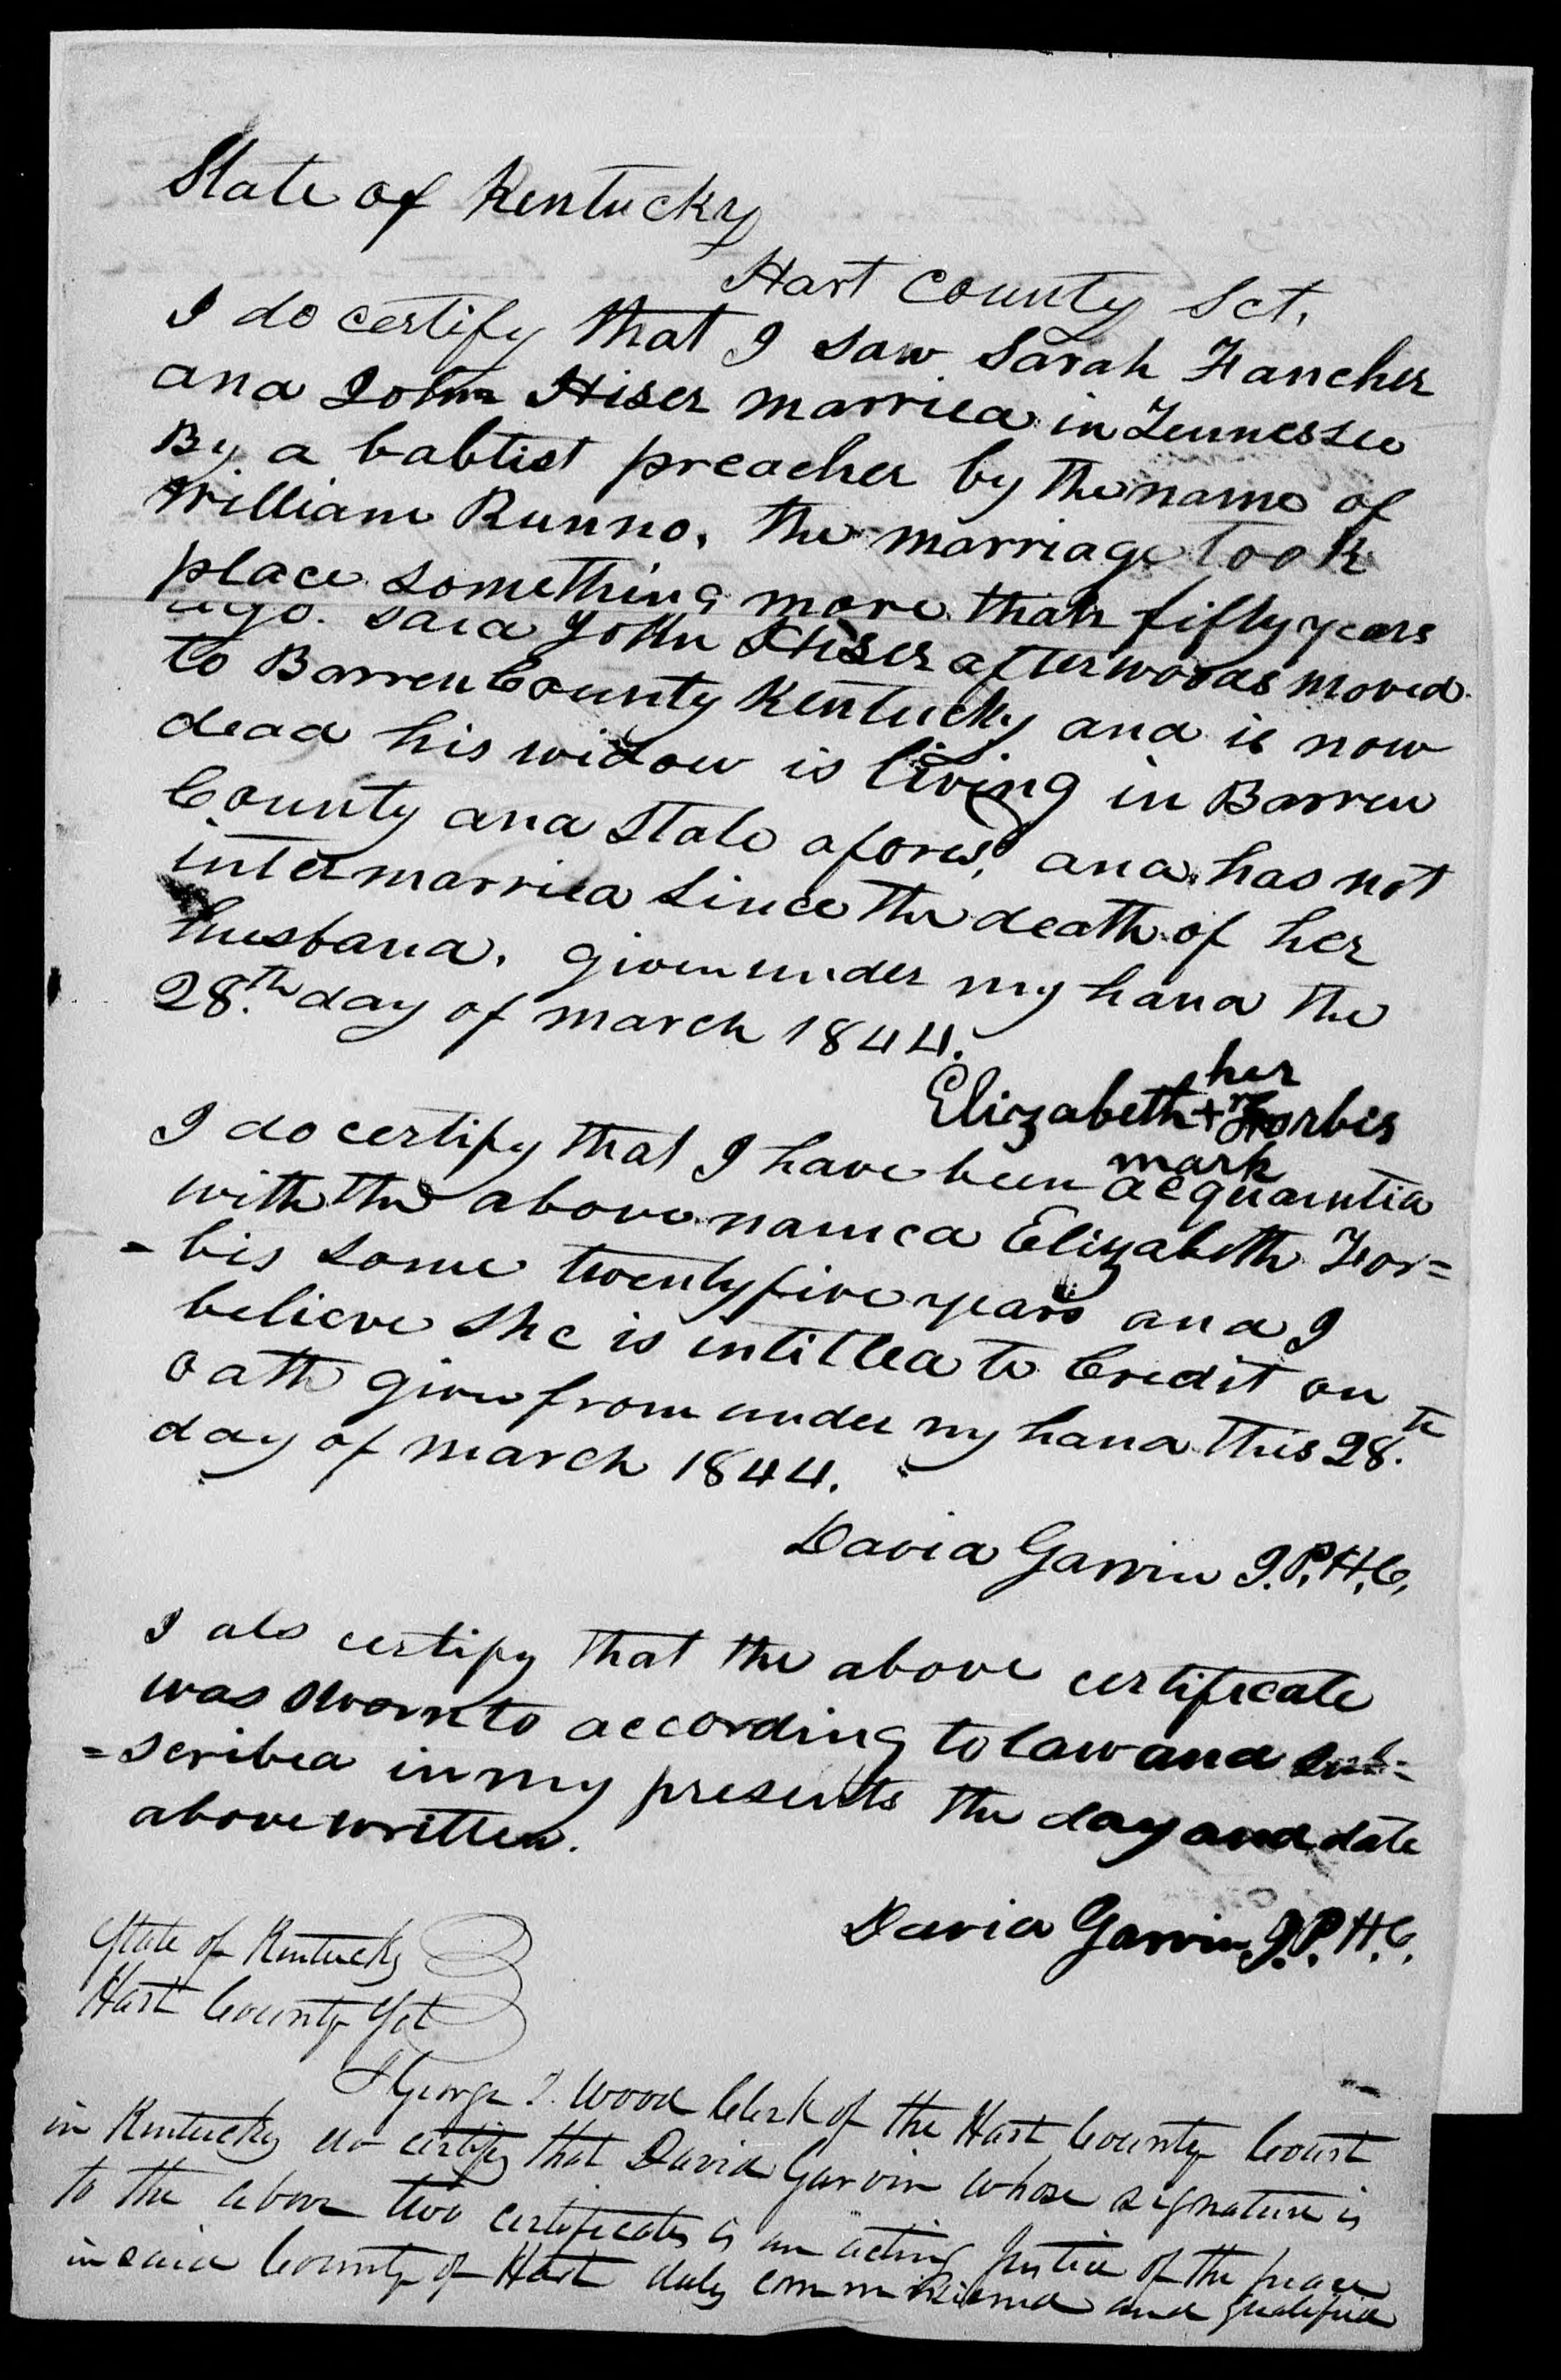State of Kentucky 
Hart County, Sct.
I do certify that I saw Sarah Fancher and John Hiser married at Tennessee by a baptist preacher by the name of William Runno.  The marriage took place something more than fifty years ago.  Said John Hiser afterwards moved to Barren County Kentucky and is now dead his widow is living in Barren County and State aforesaid and has not intermarried Since the death of her husband.  Given under my hand the 28th day of March 1844. 
                       Elizabeth Forbes
                       {X is her mark}

I do certify that I have been acquainted with the above named Elizabeth Forbes some twenty five years and I believe she is entitled to credit on oath given from under my hand this 28th day of March 1844.
                         David Garvin J. P. H. C.

State of Kentucky
Hart. County ss
I George T Wood Clerk of the Hart County Court in Kentucky do certify that David Garvin whose signature is to the above two certificates is an acting Justice of the peace in said County of Hart duly commissioned and qualified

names: Elizabeth Forbis, George T Wood, Elizabeth Forbis, William Bunno, John Hiser, Sarah Fancher, David Garvin, David Garvin, John Hiser, David Garvin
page: 28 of 58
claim: widow's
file: W. 8932, John Hiser, Penn.